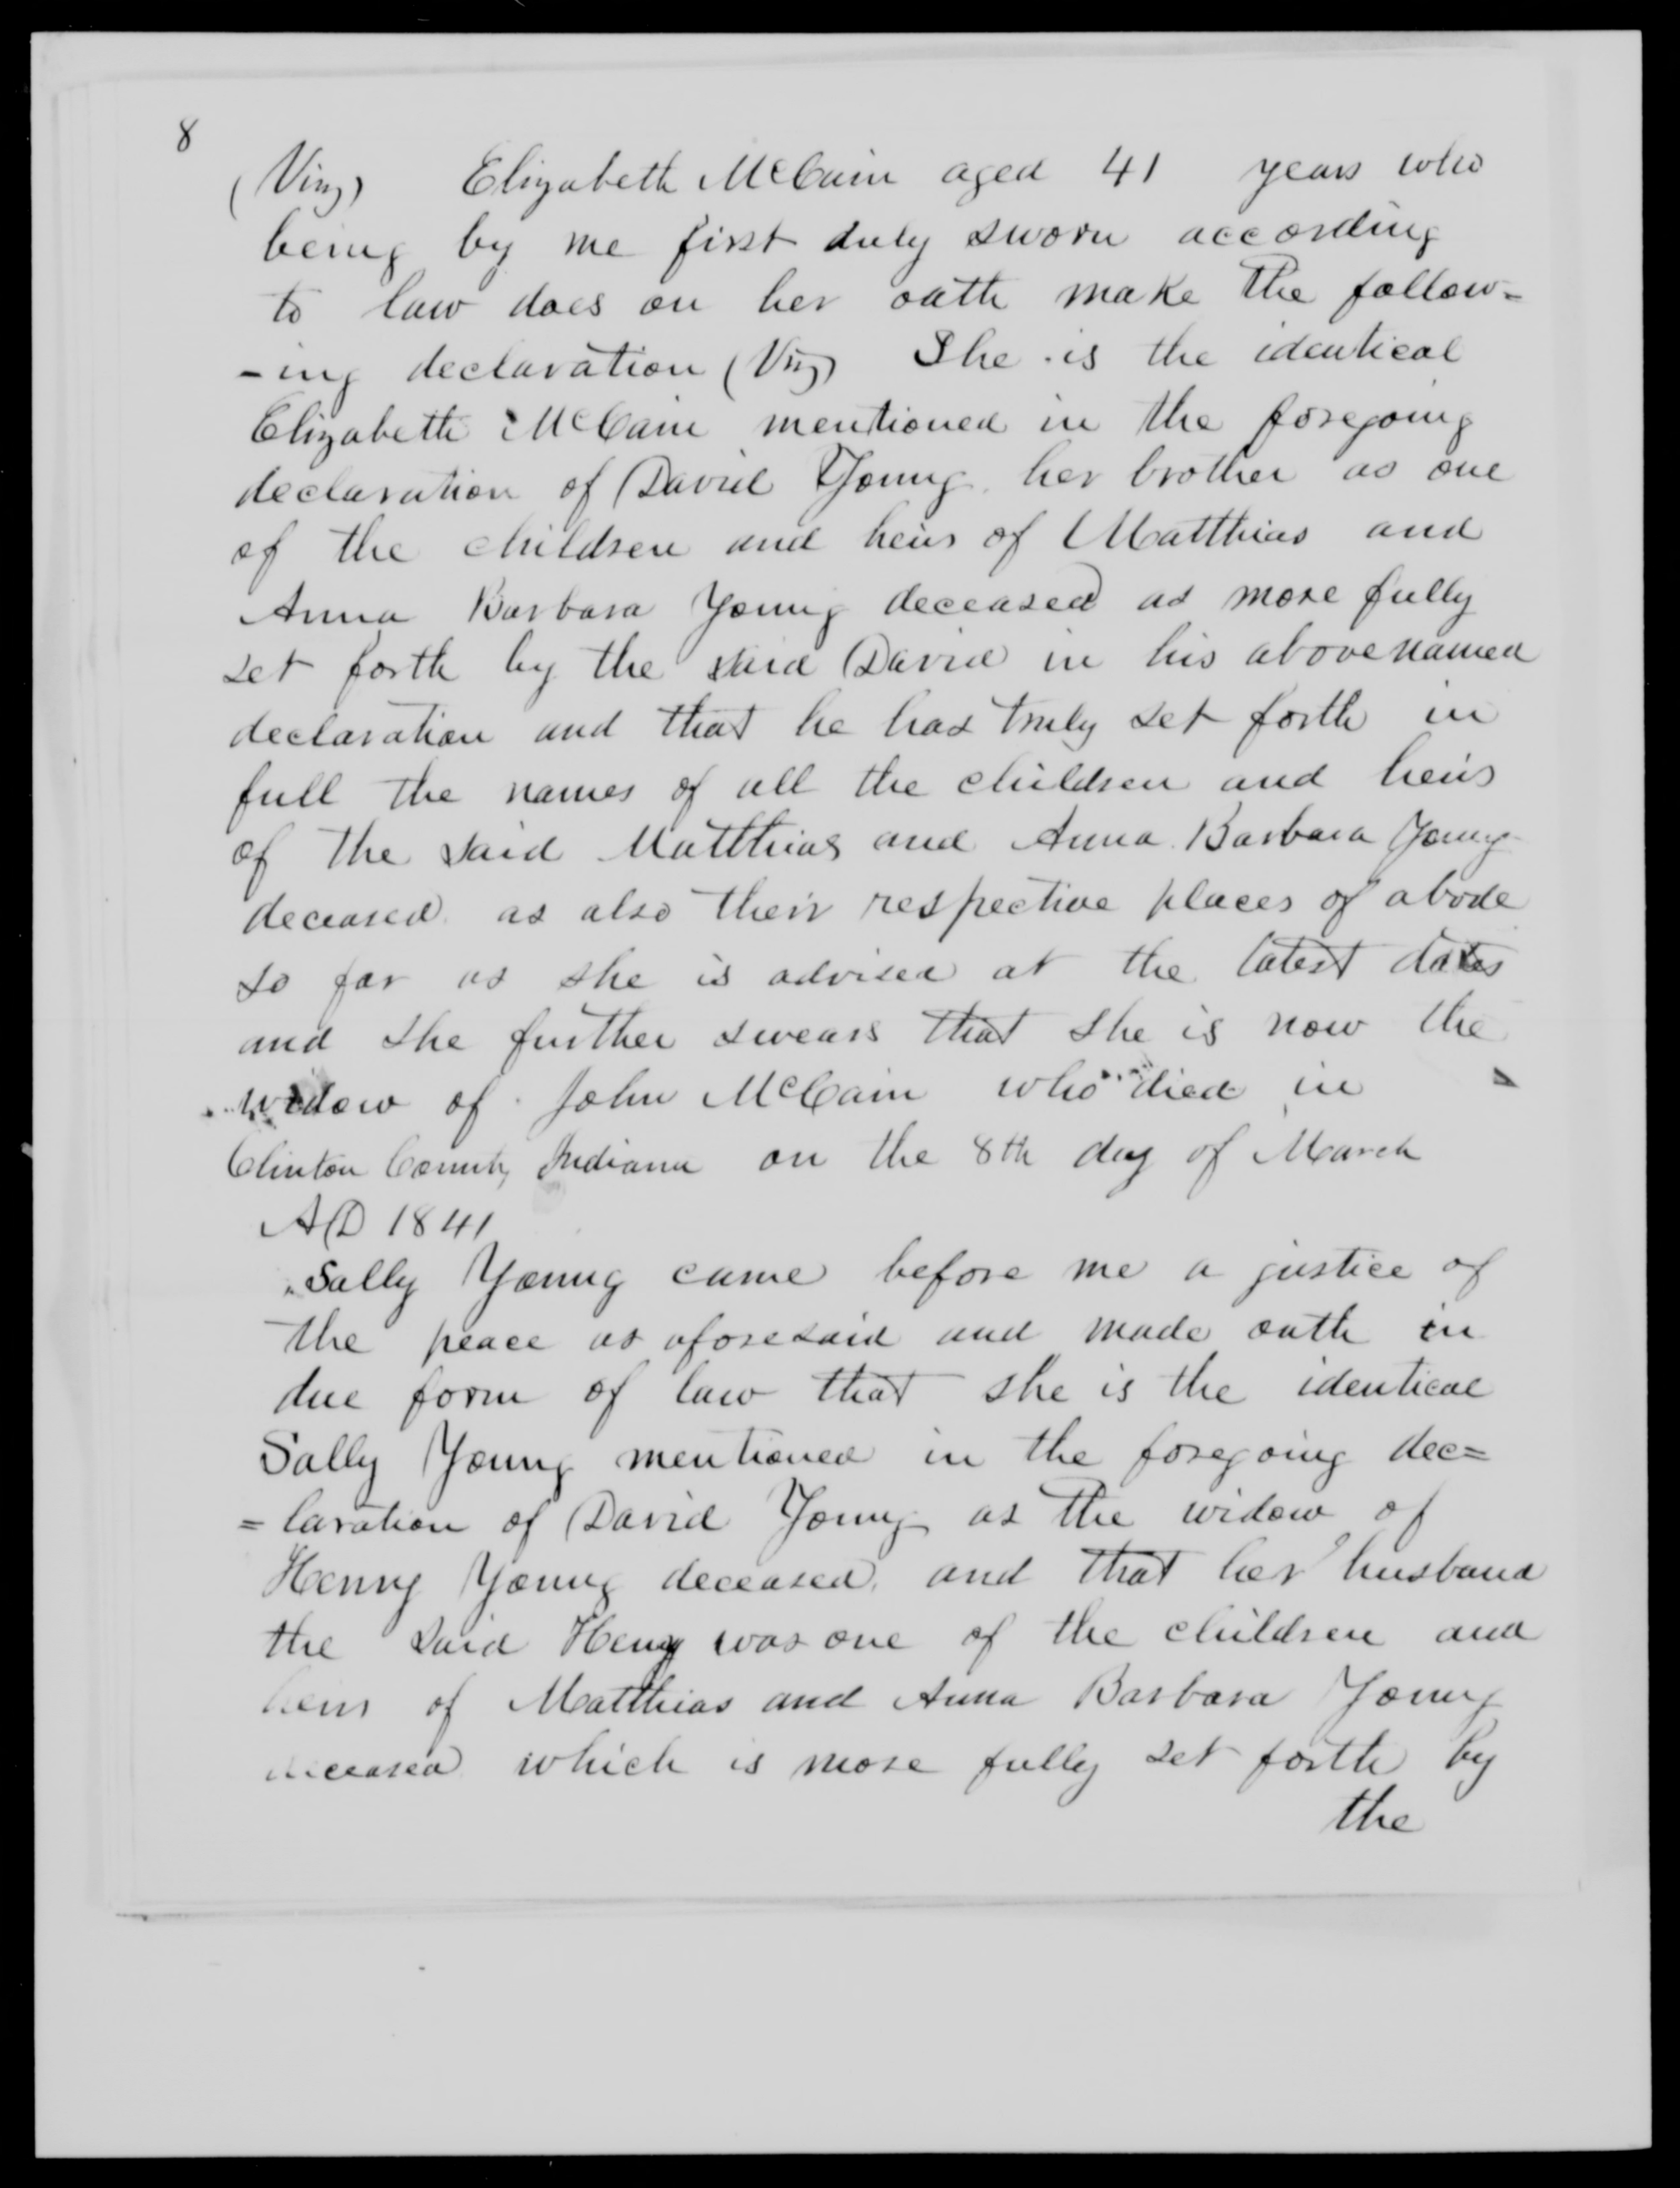8
(Viz) Elizabeth McCain aged 41 years who
 being by me first duly sworn according 
to law does on her oath make the following
declaration (viz) she is the identical
Elizabeth McCain mentioned in the foregoing
declaration of David Young, her brother, as one of the children and heirs of Matthias and
Anna Barbara Young, deceased, as more fully
set forth by the said David in his above named
declaration. And that he has truly set forth in
full the names of all the children and heirs
of the said Matthias and Anna Barbara Young
deceased, as also their respective places of abode,
so far as she is advised, at the latest dates.
And she further swears that she is now the
widow of John McCain who died in Clinton County Indiana on the 8th day of March AD 1841.
Sally Young came before me a justice of
the peace as aforesaid and made oath in
due form of law that she is the identical
Sally Young mentioned in the foregoing declaration of David Young as the widow of Henry Young deceased, and that her husband the said Henry was one of the children and heirs of Matthias and Anna Barbara Young deceased which is more fully set forth by 
the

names: Anna Barbara Young, Matthias Young, David Young, Sally Young, Elizabeth Mc Cain, Henry Young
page: 27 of 123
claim: rejected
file: R. 11,949, Matthias Young, Md.